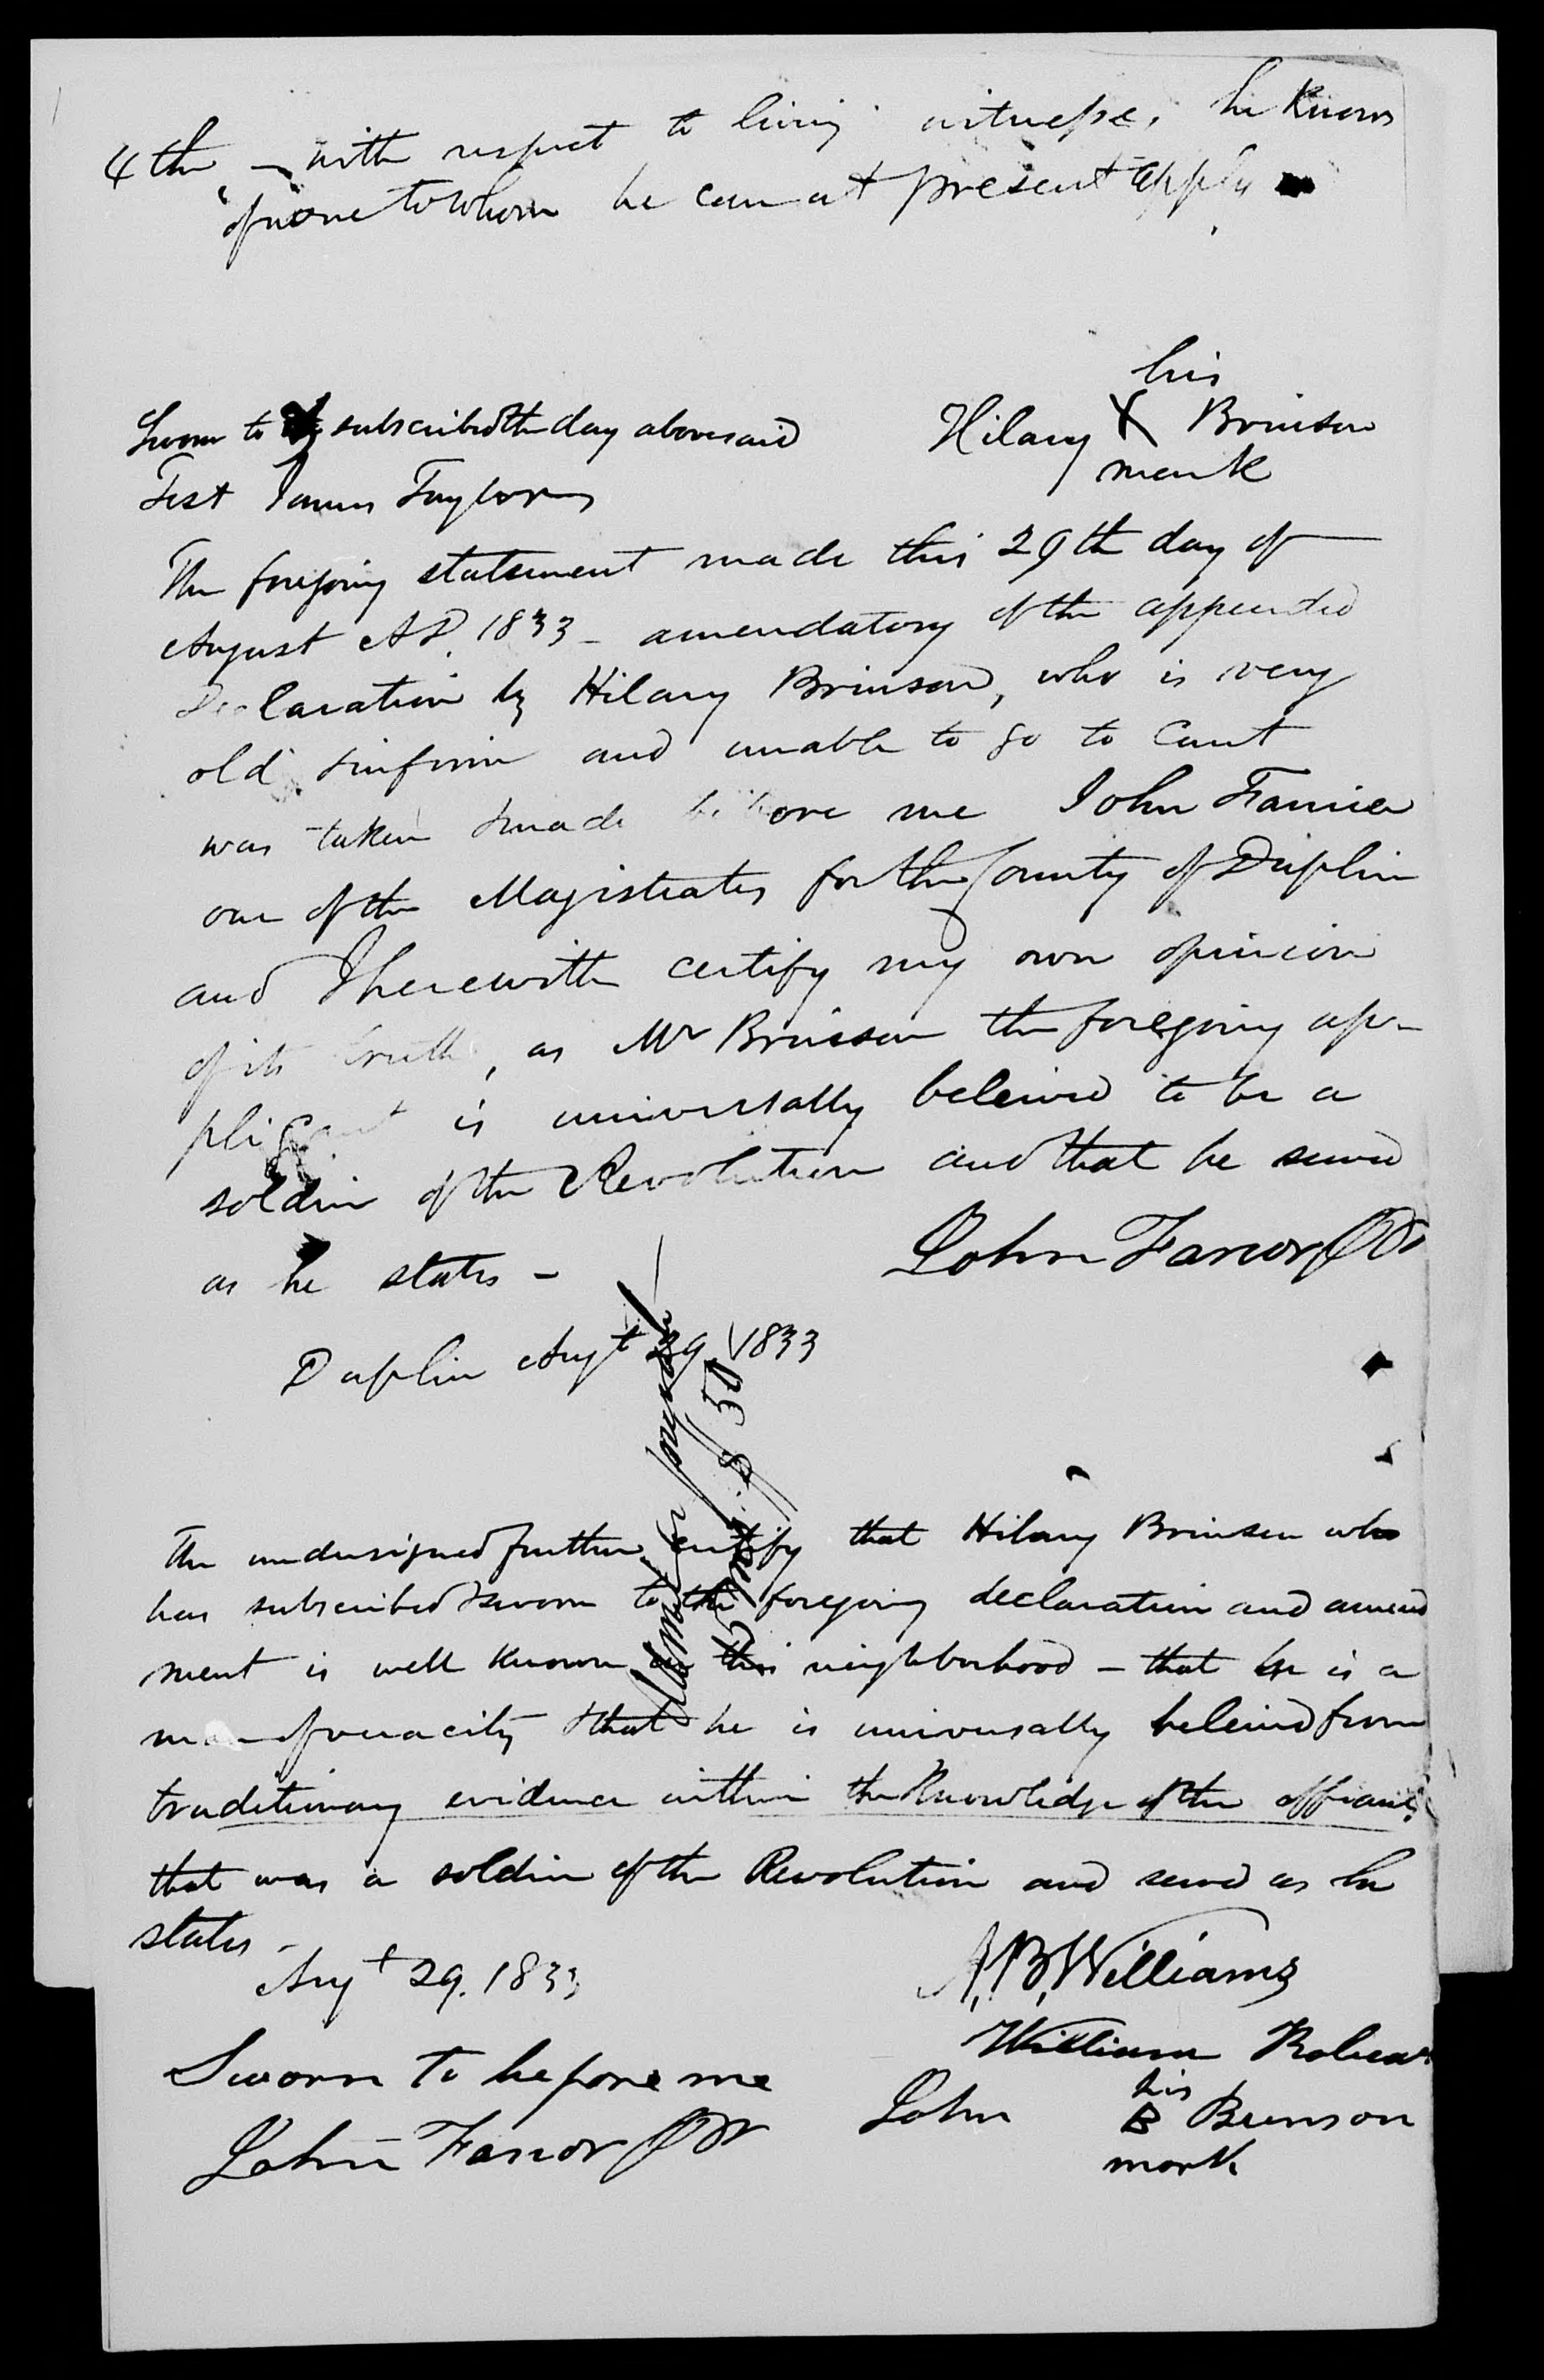4th- with respect to living witnesses, he knows of none to whome he can at present [illegible]
Hilary Brinson (his mark)

Sworn to and subscribed  the day above said Test James Taylor
The foregoing statement made this 29th day of August  AD 1833- amendatory of the appended Declaration by hilary Brinson, who si very old and infirm and unable to go to court was taken and made before me John Fanor one of the Magistrates for the County of Duplin and I herewith certify my own opinion of its truth, as Mr. Brinson the foregoing applicant is universally believed to be  a soldier of the Revolution and that he served as he states.  John Fannor JP
Duplin Augt 19 1833

[written over the top of letter writing]  Admit for illegible  15 mos $50]

the undersigned further certify that Hilary Brinson who has subscribed and sworn to the foregoing declaration and amendment is well known in this neighborhood- that he is a man of veracity - that he is universally believed from traditionary evidence within the knowledge of the affiant that was a soldier of the Revolution and served as he states.  A.B. Williams  William Robens  John Brenson (his mark)

Augt 29 1833
Sworn to before me John Fanor JP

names: Hilary Brinson, A B Williams, John Fanor, Hilary Brinson, William Robens, John B Brenson, John Famier, Brinson, John Fanor, Hilary Brinson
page: 26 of 38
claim: widow's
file: W. 5231, Hilary Brinson, N.C.